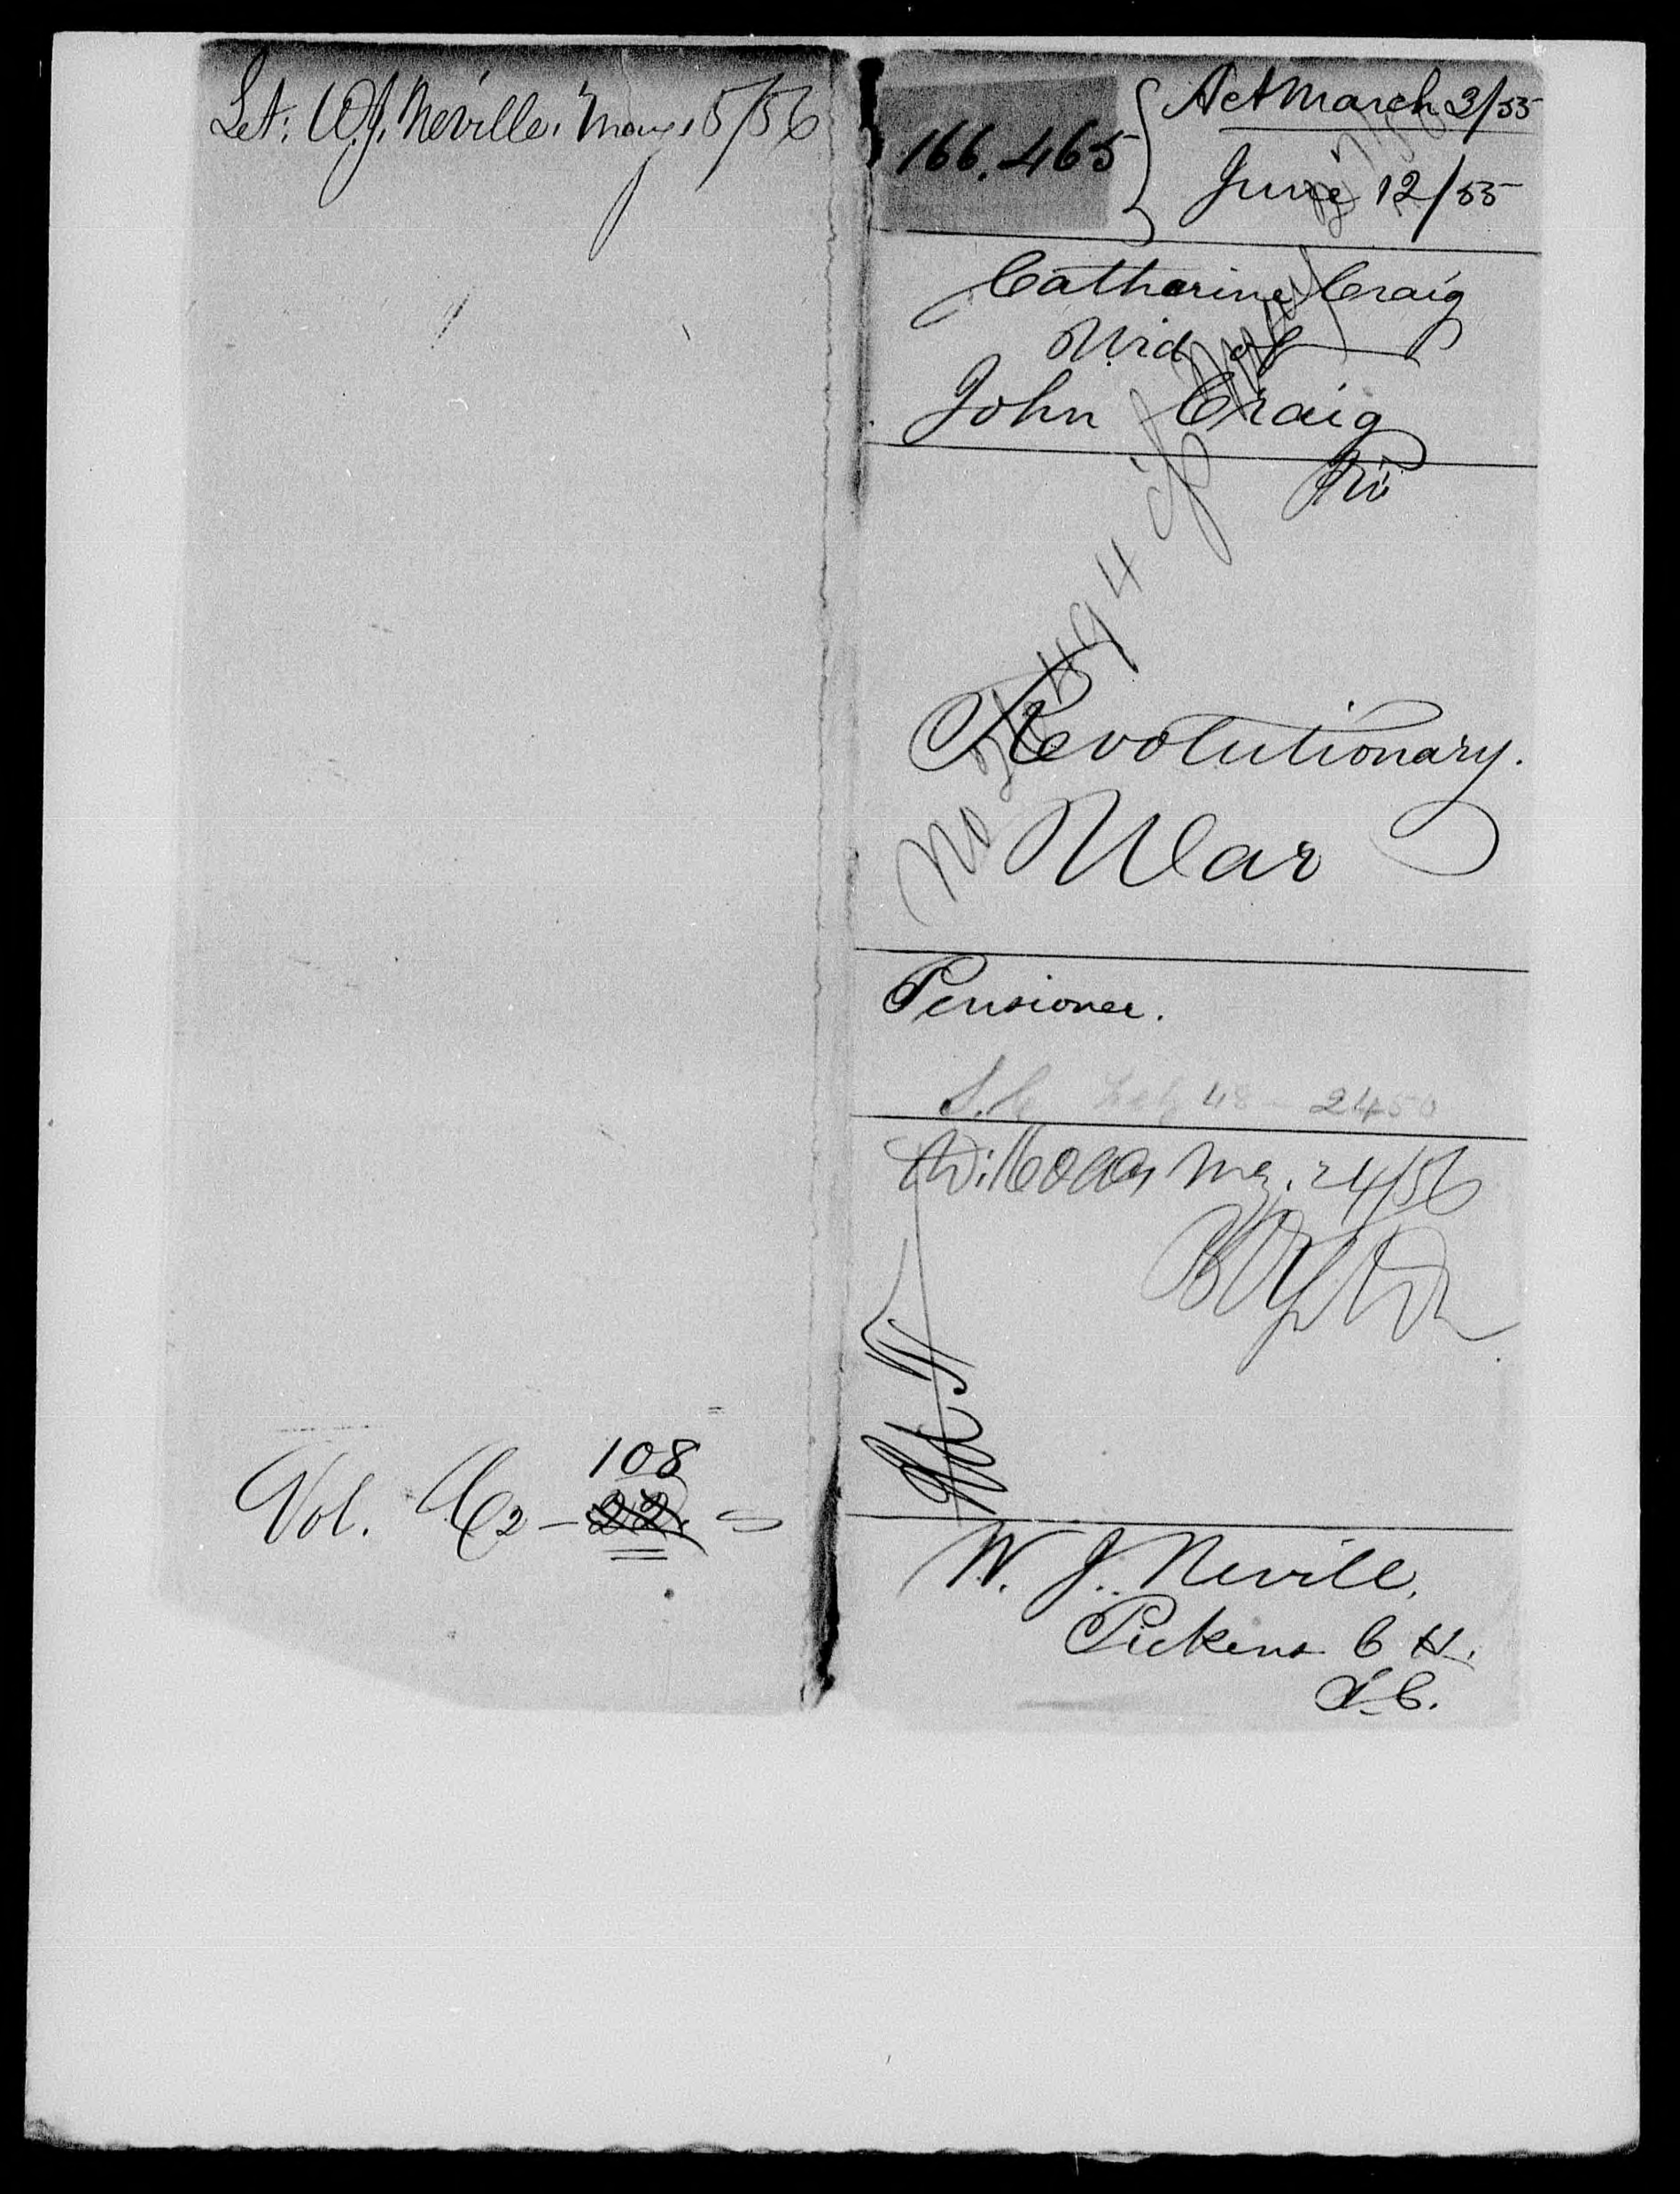(left side)

Let: W. J. Neville, May 5/56

Vol. [illegible] - 108

(right side)

166.465
Act March 3/55
June 12/55

Catharine Craig
Wid of
John Craig  Pri

Revolutionary War
Pensioner
S. C. help 48 - 2450

Willeoam viz. 24/56
[illegible signature]

W. J. Nevile,
Pickens C. H. 
S. C.

No 26494 iss. [illegible]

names: John Craig, Catharine Craig, W J Neville, W J Nevill, Boynton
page: 14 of 55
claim: widow's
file: W. 22864, John Craig, S.C. Born In Iceland